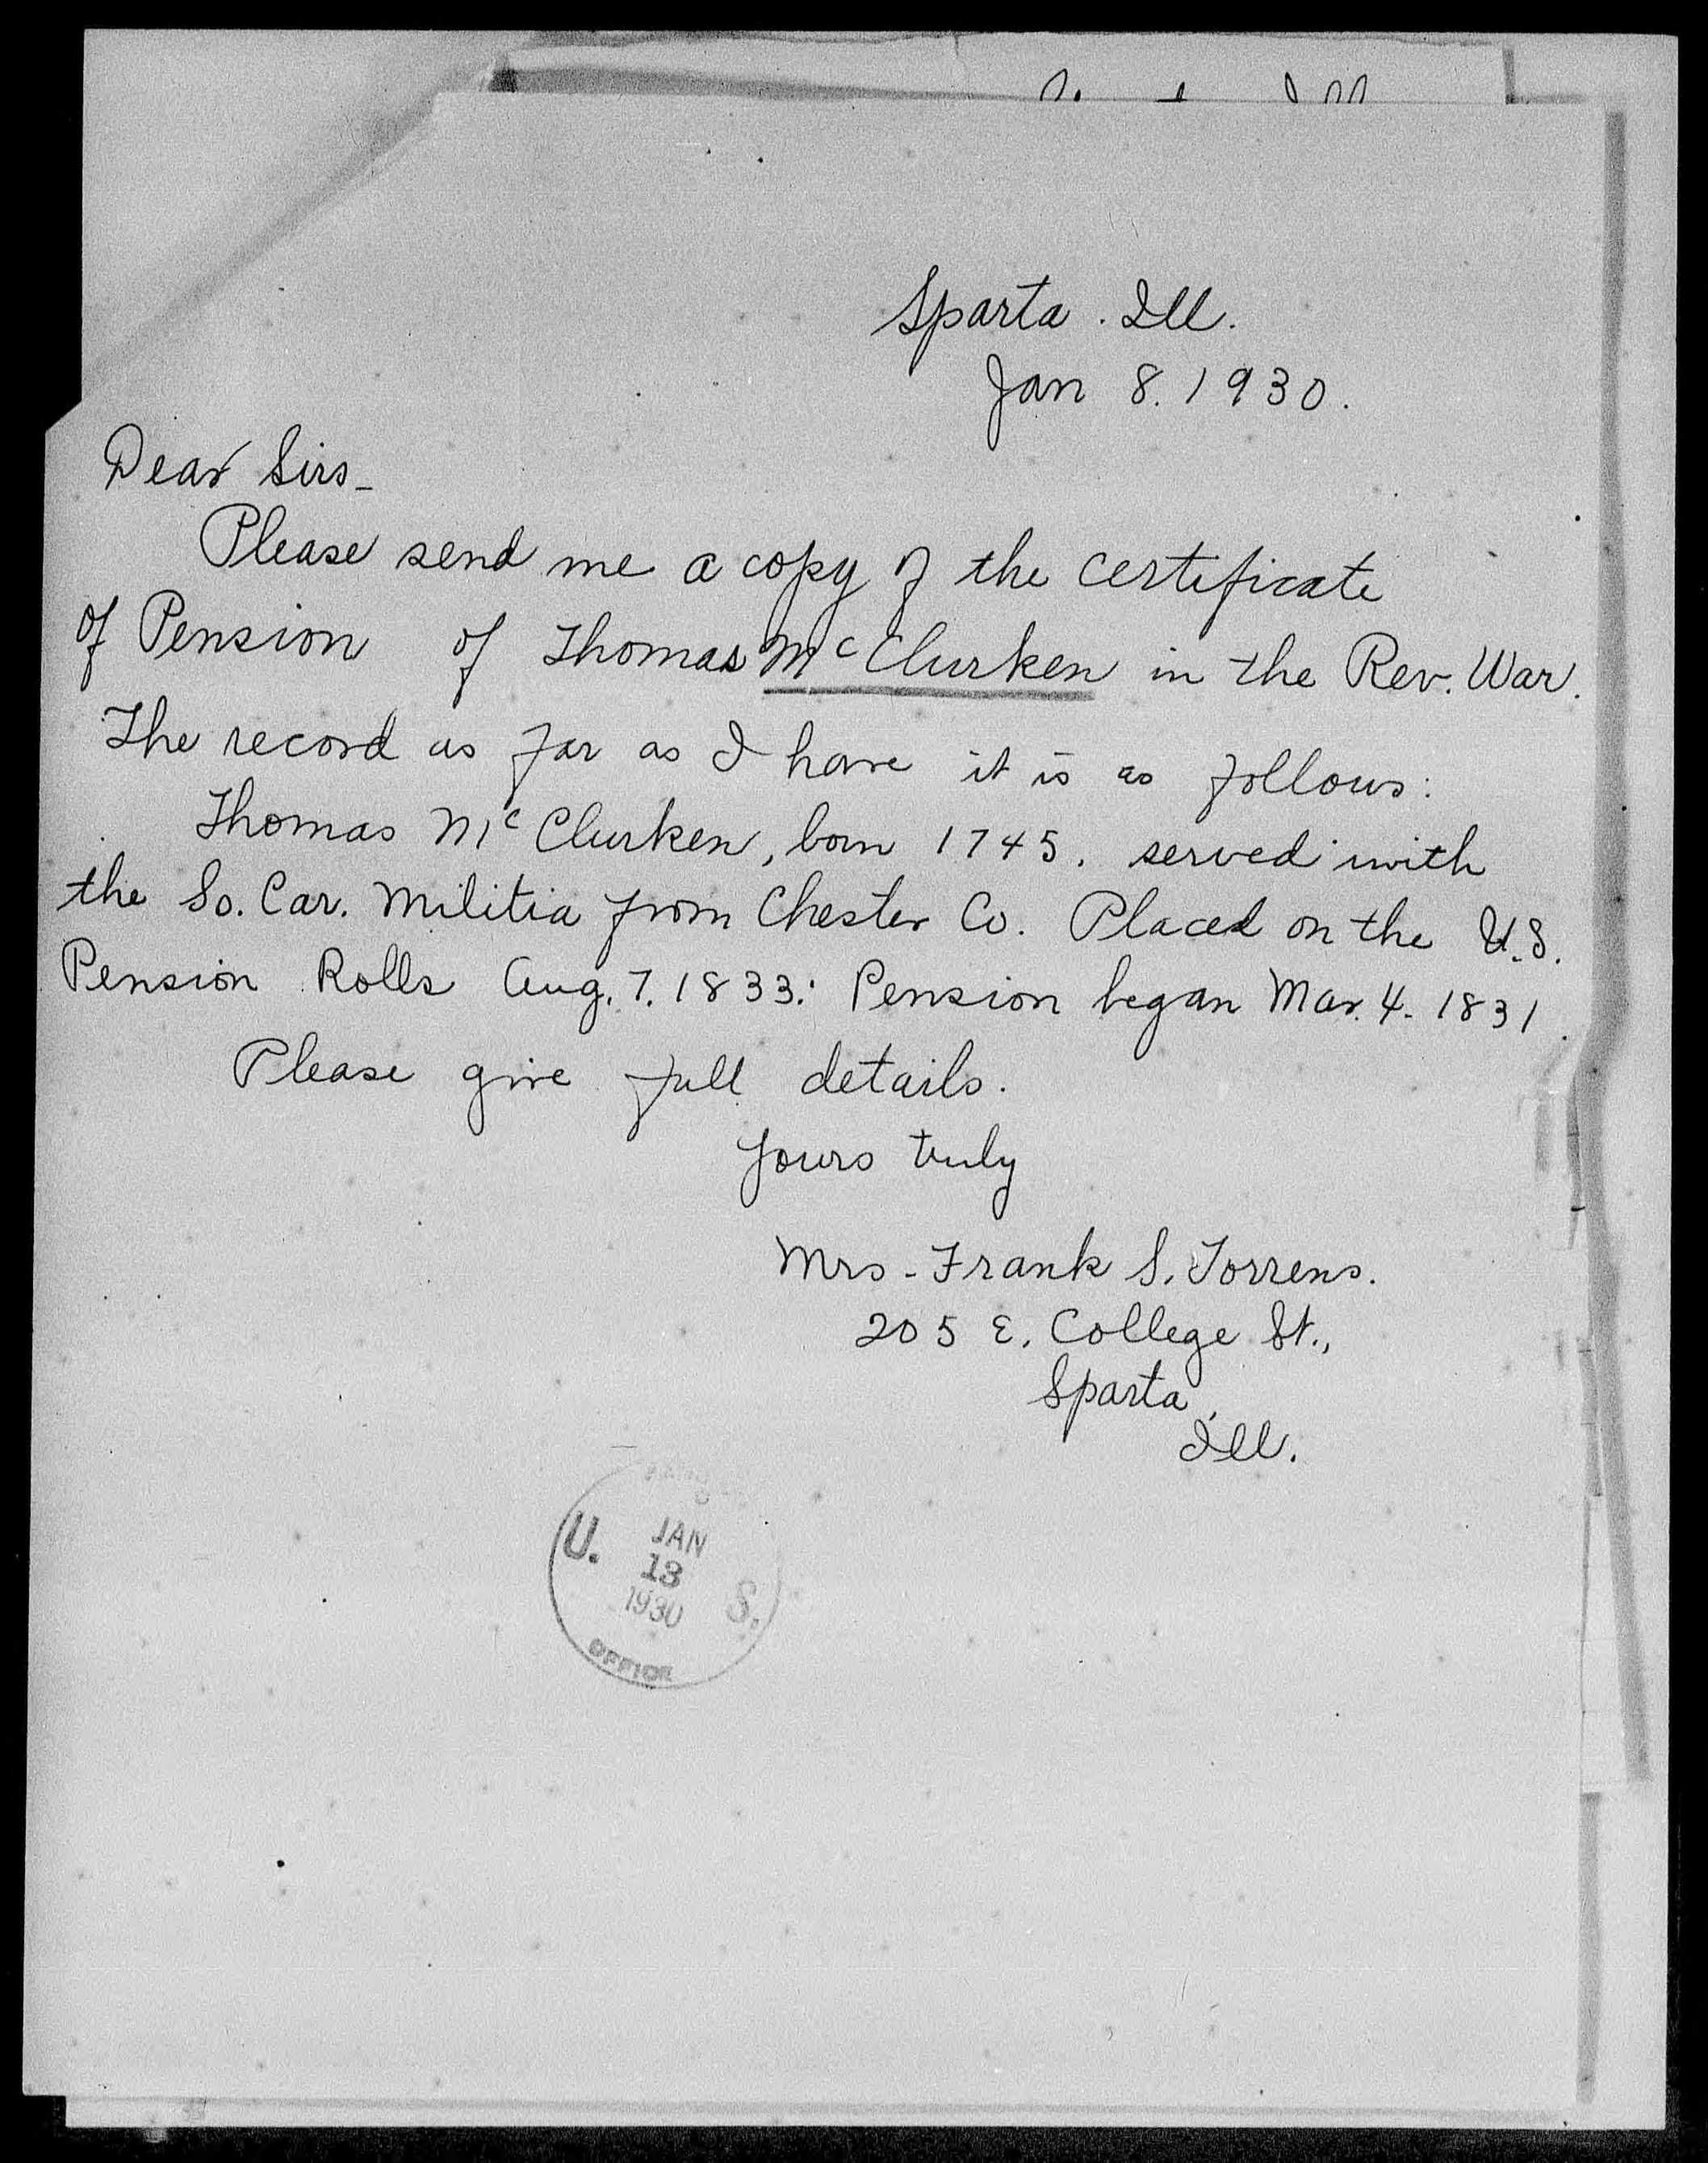Sparta Ill. 
Jan 8. 1930
 
Dear Sirs, 

Please send me a copy of the certificate of Pension of Thomas McClurken in the Rev. War 
The record as far as I have it is as follows:

Thomas McClurken, born 1745. served with 
the So. Car. Militia from Chester Co. Placed on the US
Pension Rolls Aug. 7. 1833. Pension began Mar. 4, 1831. 
Please give full details. 

Yours truly 
Mrs. Frank S. Torrens 
205 E. College St. 
Sparta 
Ill.

[seal]
[US Postal Office Jan. 13, 1930]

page: 88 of 93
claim: widow's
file: W. 21792, for Thomas Mc Clurken, South Carolina